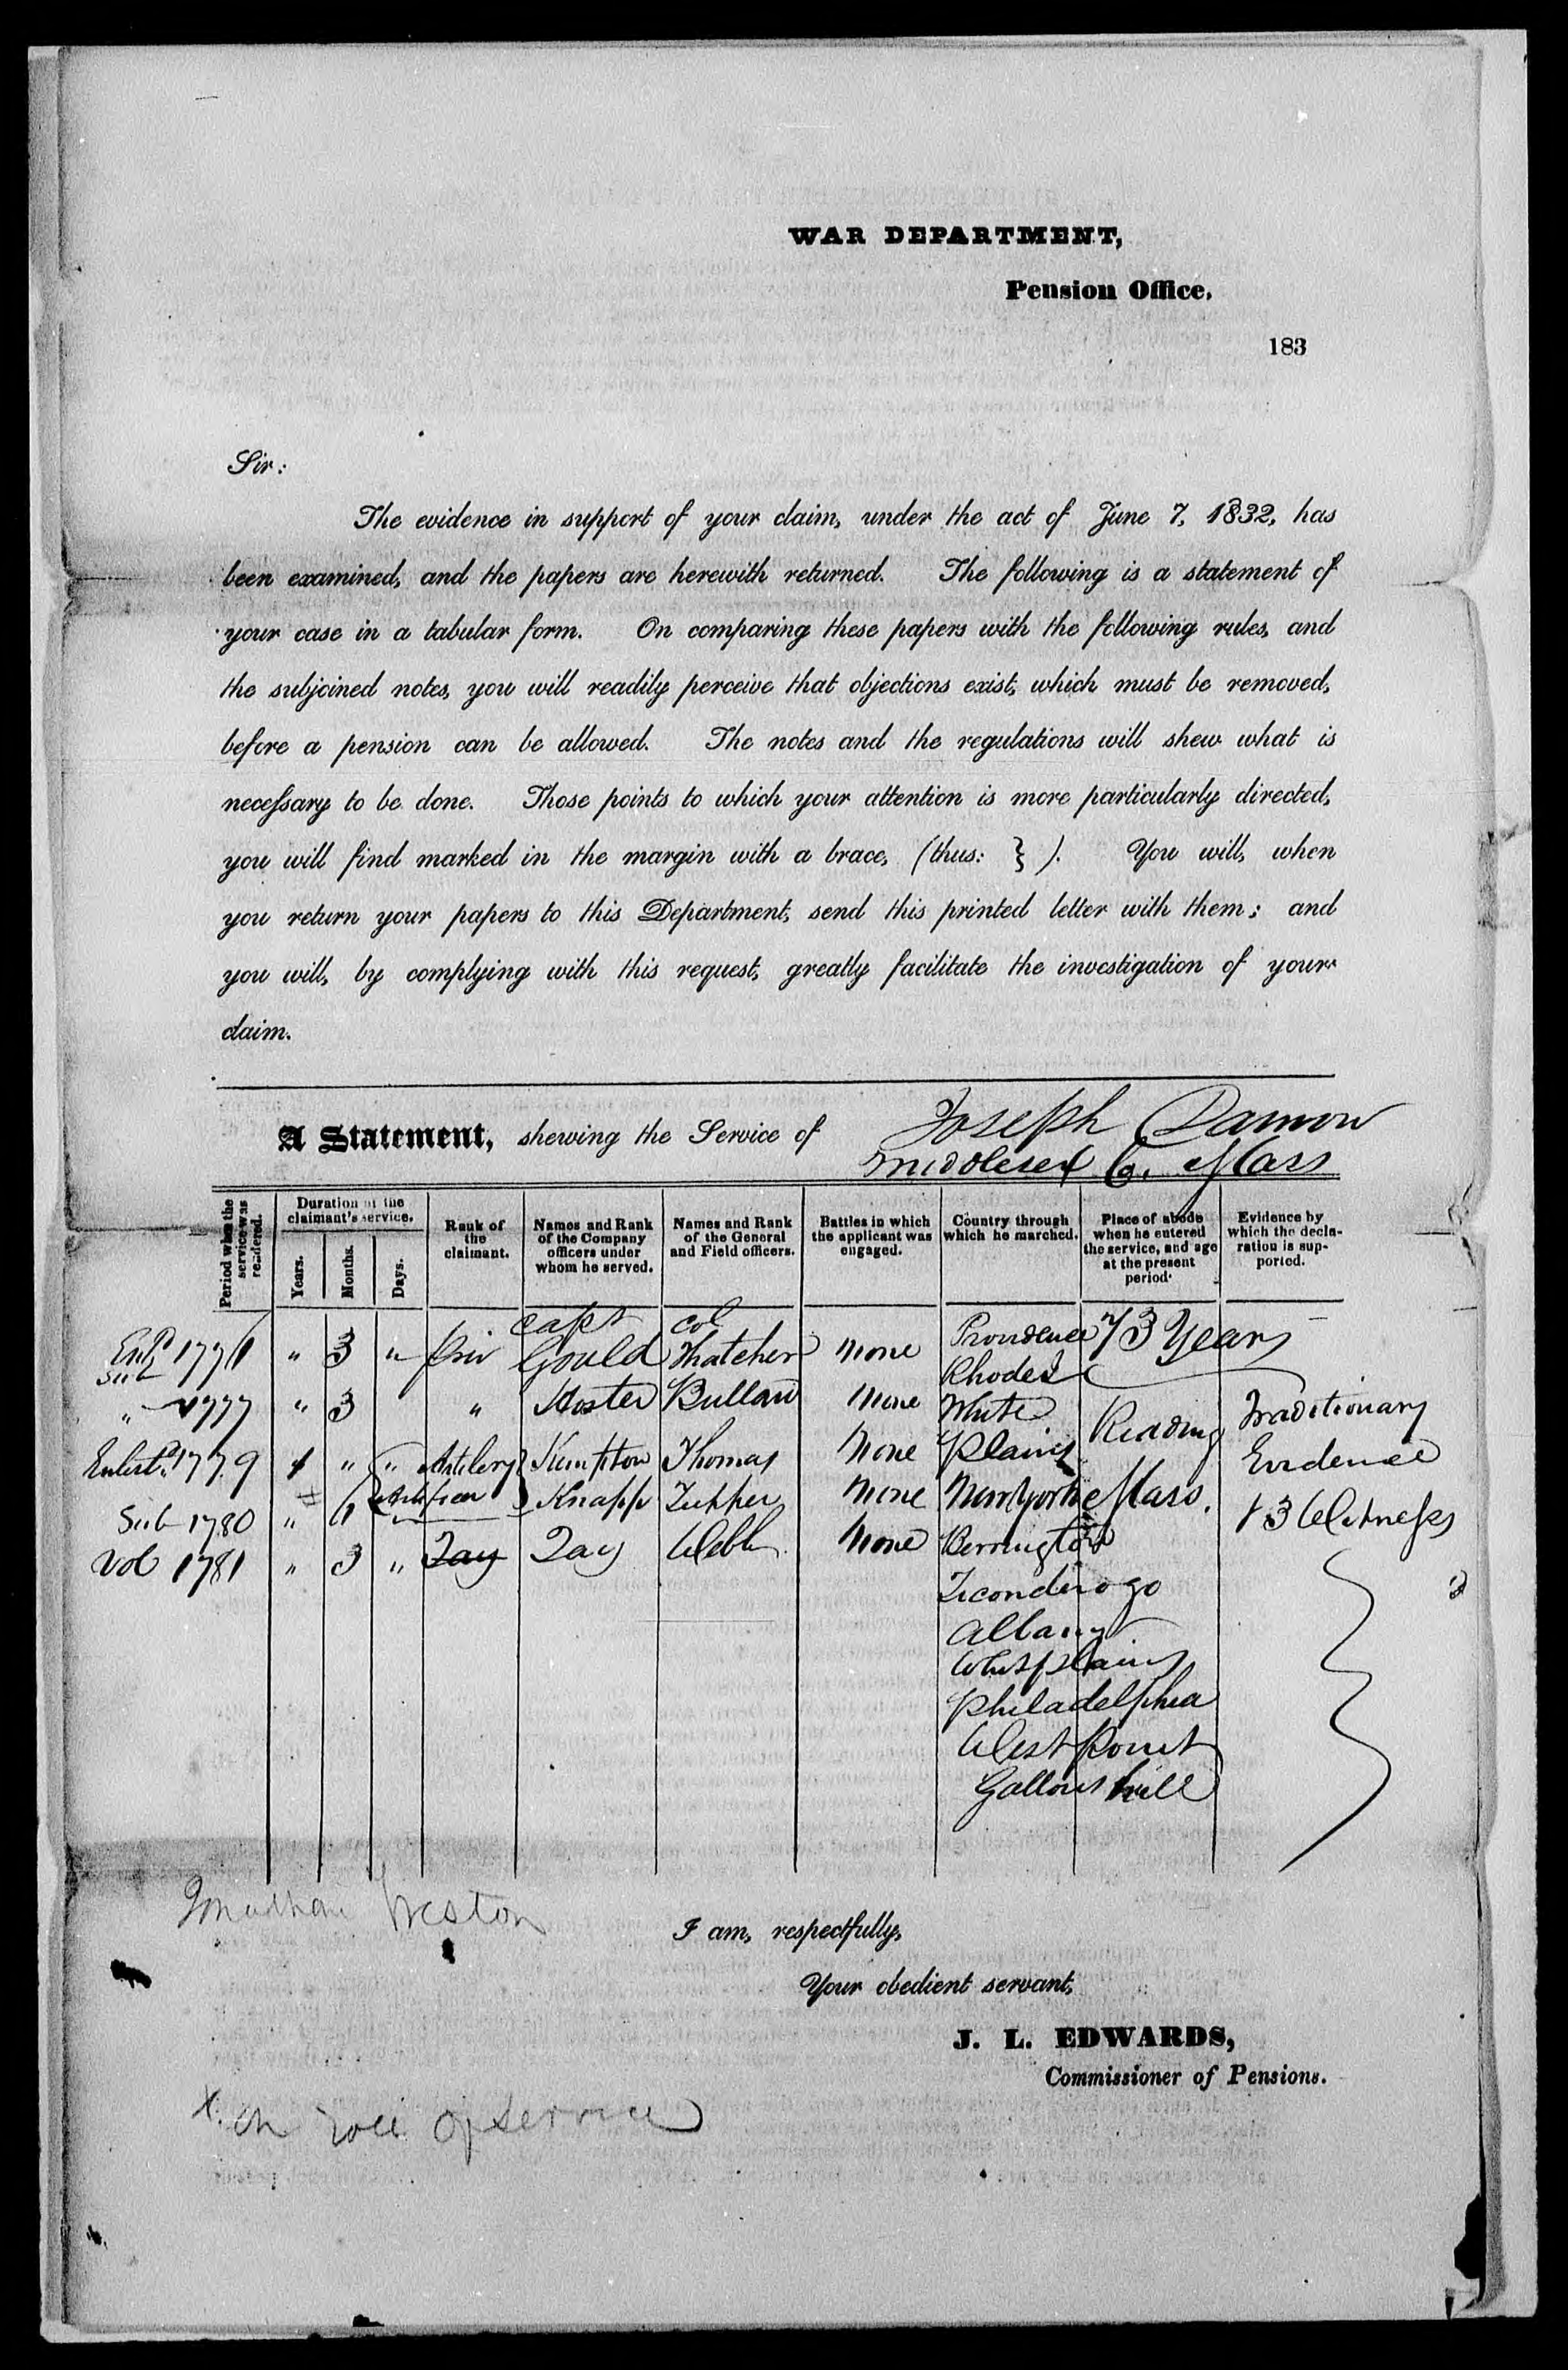War Department,
Pension Office,
183-
Sir: The evidence in support of your claim under the act of June 7, 1832, has been examined and the papers are herewith returned. The following is a statement of your case in tabular form. On comparing these papers with the following rules and the subjoined notes, you will readily perceive that objections exist which must be removed before a pension can be allowed. The notes and the regulations will shew what is necessary to be done. Those points to which your attention is more particularly directed you will find marked in the margin with a brace, (thus: } ). You will when your return your papers to this Department send this printed letter with them; and you will, by complying with this request, greatly facilitate the investigation of your claim.
-----------------------
A Statement shewing the Service of Joseph Damon Middlesex C. Mass
------------------------
Period when the service was rendered| Duration of the claimant's service. Years| Months| Days.|
Rank of the claimant.| Names and Rank of the Company officers under whom he served. | Names and Rank of the General and Field officers. | Battles in the applicant was engaged.| Country through which he marched.| Place of abode when he entered the service, and age at the present period.| Evidence by which the declaration is supported.
--------------------------------
Enl Sub[stitute] 1776| " | 3| "| Priv| Caps Gould| Col Thatcher| none| Providence Rhode I__ | 73 Years Reading Mass.| Traditionary Evidence of 3 Witnesses.
"| 1777; "| 3| " | "| Foster| Bullard| none| White Plains
Enlist. 1779| 1| "| "| Artillery & Artificer| Kempton| Thomas| none| New York
Sub 1780| "| 1| Knapp| Tupper| none | [New York]
Vol 1781| "| 3| "| Fay| Webber| none| Bennington Ticonderoga Albany White Plains Philadelphia West Point Gallows Hill

I am, respectfully,
Your obedient servant, J.L. Edwards, Commissioner of Pensions.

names: Knapp, Joseph Damon, Tay, Bullard, Kempton, Thomas, Gould, J L Edwards, Hoster, Tupper, Thatcher, Jonathan Weston, Webb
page: 12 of 28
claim: survivor's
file: S. 17376, Joseph Damon, Continental Mass.